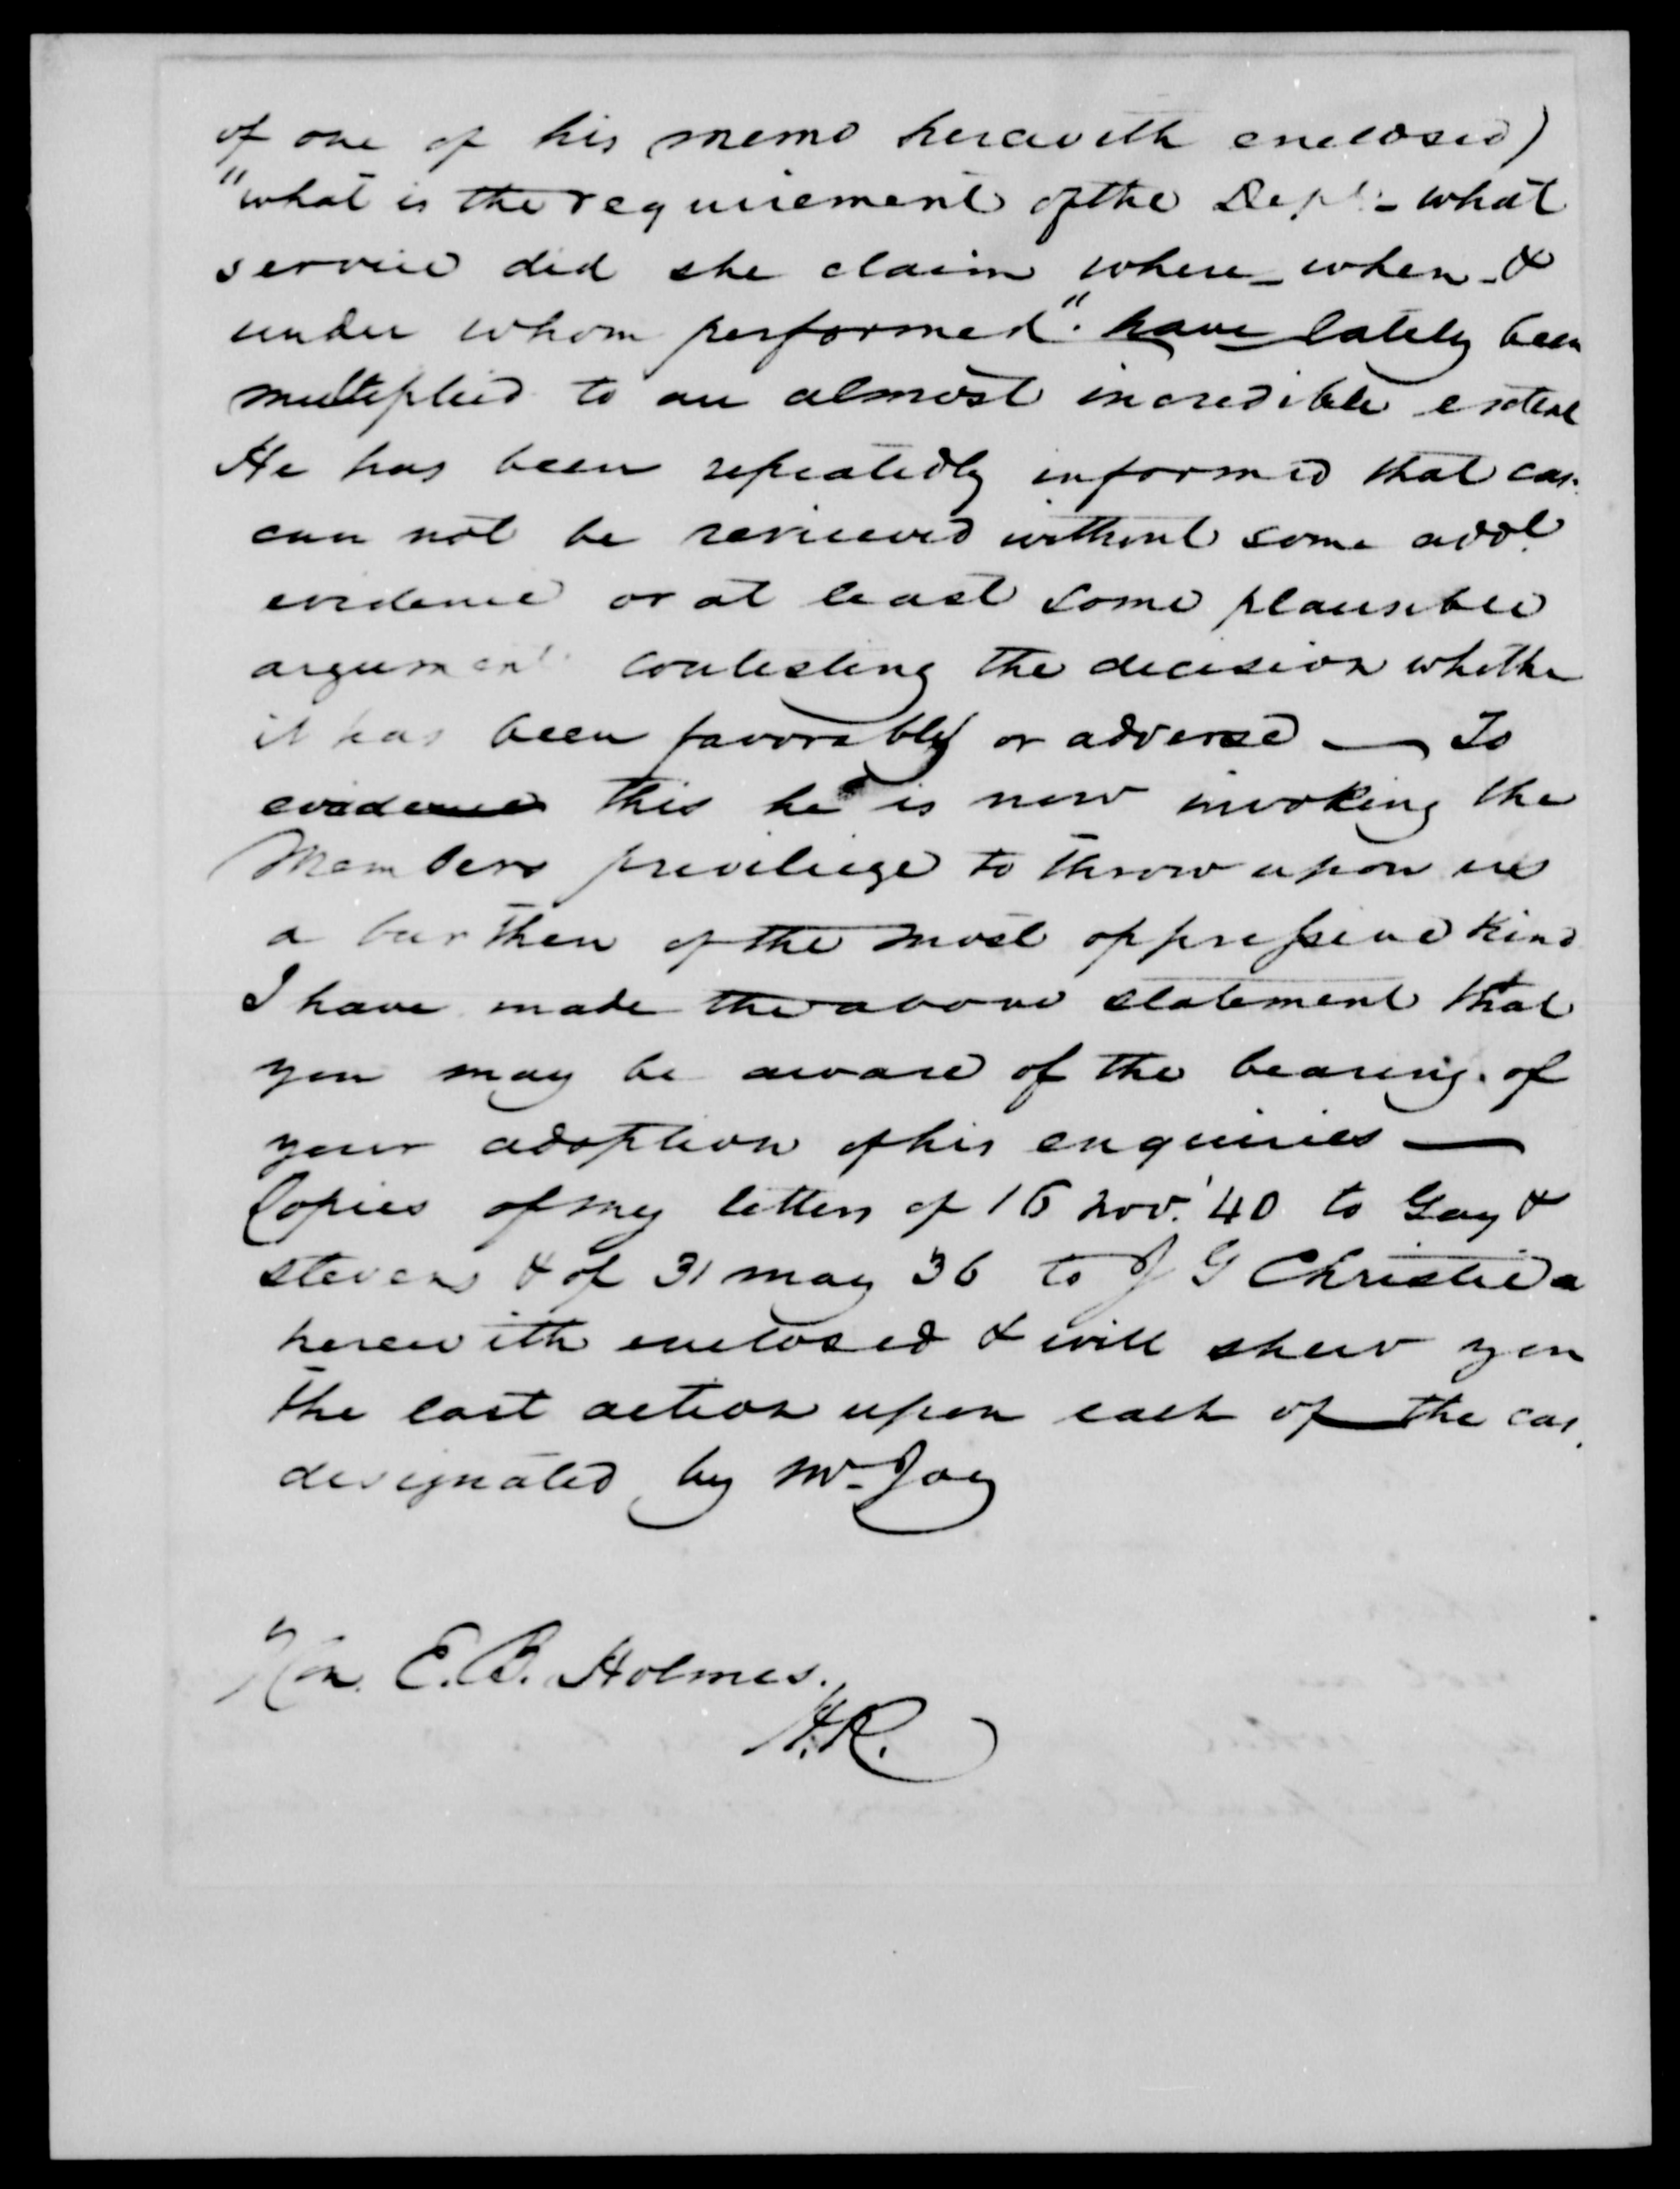of one of his memo herewith enclosed "what is the requirement of the Dept _ what service did she claim where _ when _ & under whom performed" have lately been multiplied to an almost incredible extent. He has been repeatedly informed that can not be received without some addl evidence or at least some plausible argument contesting the decision whether it has been favorably or adverse _ To evidence this he is now invoking the Member privilege to throw upon us burden of the most oppressive kind I have made the above statement that you may be aware of the bearing of your adoption of his enquiries. Copies of my letter of 16 Nov '40 to Gay & Stevens & of 31 May to J.G. Christie are herewith enclosed & will show you the last action upon each of the cases designated by Mr Jay

Hom E.B. Holmes H.R.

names: E B Holmes; [BLANK] Stevens; J G Christie; [BLANK] Jay; [BLANK] Gay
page: 38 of 52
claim: rejected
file: R. 9493, for George Sherman, Vermont